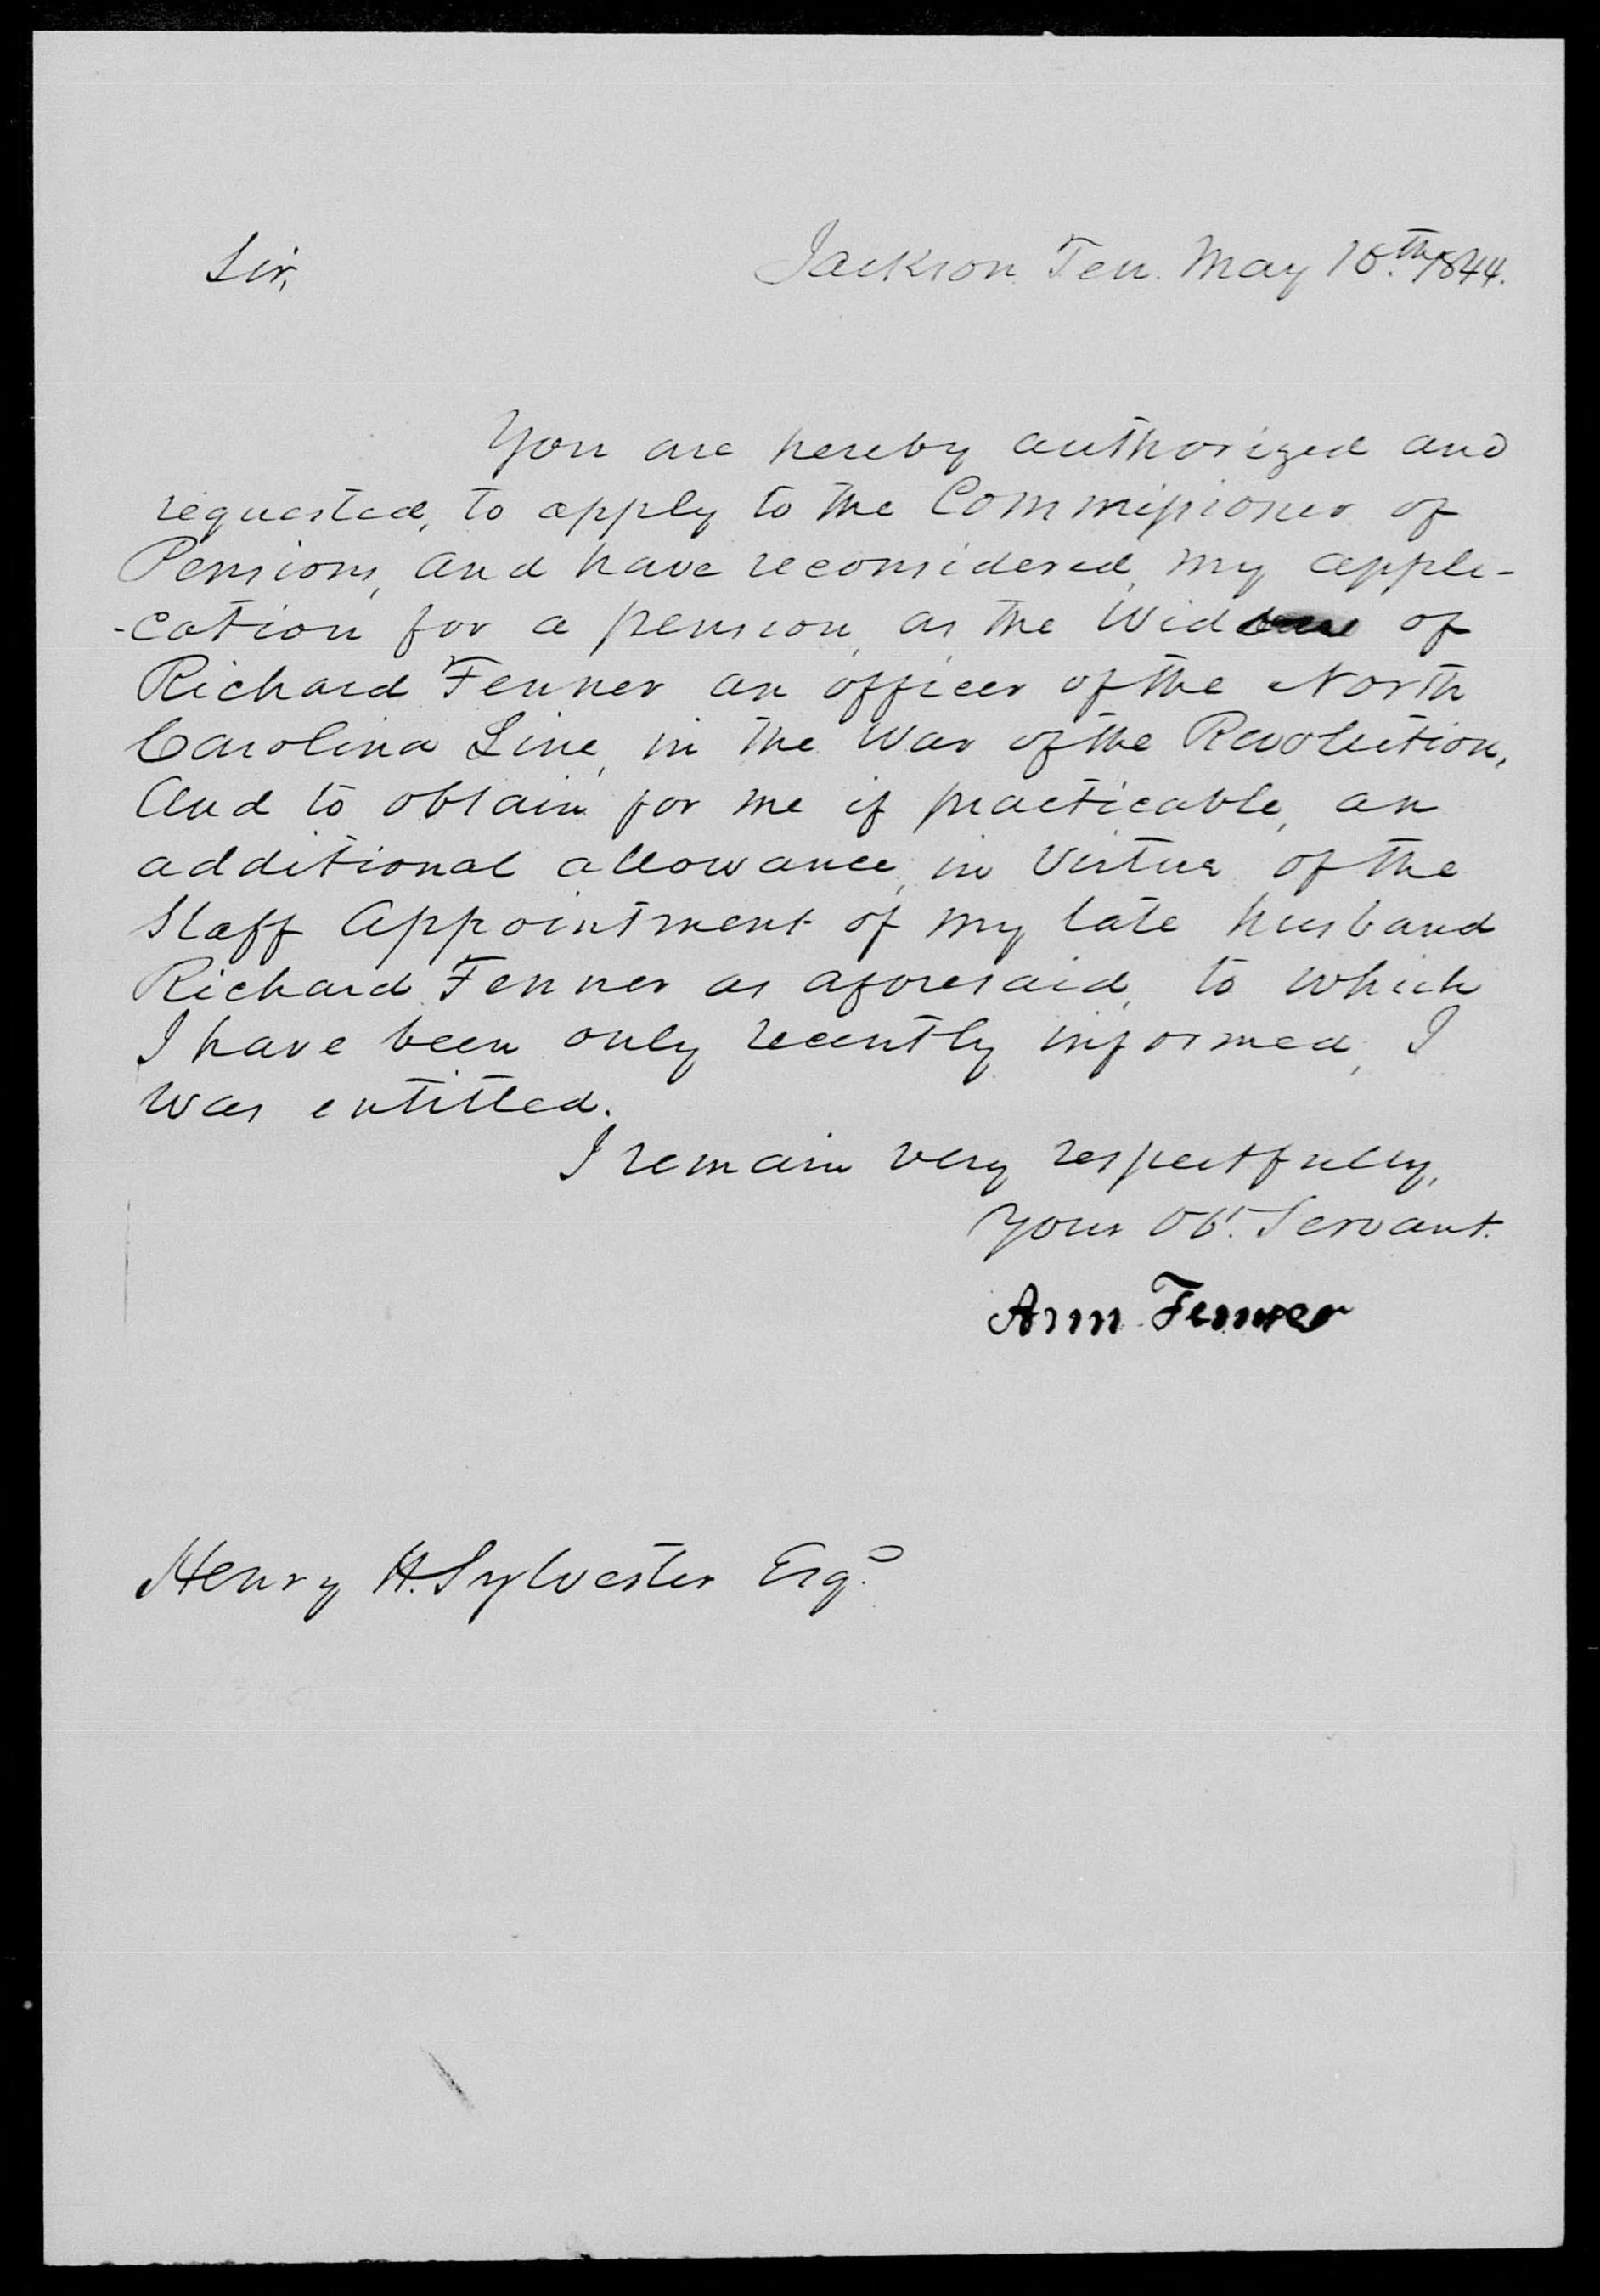Jackson Ten. May 10th 1844

Sir, 

You are hereby authorized and requested to apply to the Commissioner of Pensions, and have reconsidered my application for a pension as the widow of Richard Fenner an officer of the North Carolina Line in the War of the Revolution, and to obtain for me if practicable, an additional allowance, in virtue of the Staff Appointment of my late husband Richard Fenner as the aforesaid, to which I have only recently informed, was entitled.

I remain very respectfully
Your obt Servant

Ann Fenner

Henry H. Sylvester Esq.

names: Richard Fenner, Ann Fenner, Richard Fenner, Henry H Sylvester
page: 37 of 39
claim: widow's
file: W. 789, Richard Fenner, N.C.